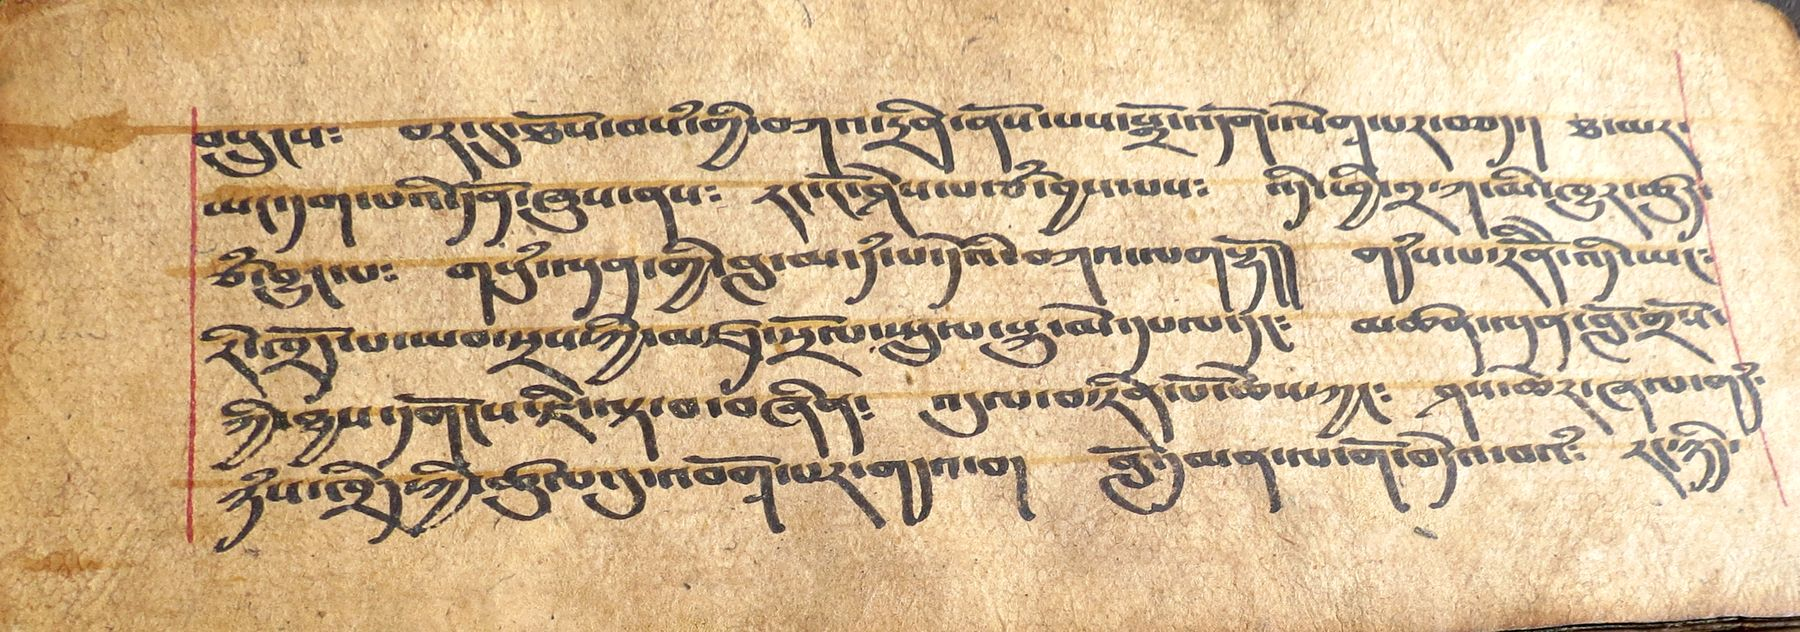བསྲུངས། བར་དུ་ཐོས་བསམ་གྱི་བཀའ་དྲིན་ནོས་ནས་སྒྲོ་འདོགས་ལེགས་པར་བཅད། ཐ་མར་
ཡང་དག་པའི་དོན་ཞུས་ནས་རང་ངོ་ཤེས་པ་ཙམ་བྱས་པས། འདི་ཕྱི་གཉིས་ཀ་མི་ཁྱུར་ཚུད་
ཙམ་བྱུང་བ་ནི་གསུམ་ལྡན་གྱི་བླ་མ་དམ་པ་དེའི་བཀའ་དྲིན་ལགས་སོ། ། གདམས་པ་རིན་པོ་ཆེ་འདི་ཡང་
རི་ཁྲོད་པ་ཡབ་སྲས་ཀྱི་མཛད་སྲོལ། སྤྲུལ་སྐུ་མེ་དཔལ་དང་། མཚན་ལྡན་བློ་གྲོས་
ཀྱི་ཐུགས་དགོངས་ཇི་ལྟ་བ་བཞིན། འདུལ་བ་རིན་པོ་ཆེས་ཀྱང་ཤས་ཆེར་ཞལ་གདམས་
ཉམས་ཁྲིད་ཀྱི་ཚུལ་དུ་འབོགས་པར་གདའ་བས། བློ་དམན་ལ་གོ་བདེ་བའམ་རང་ཉིད་